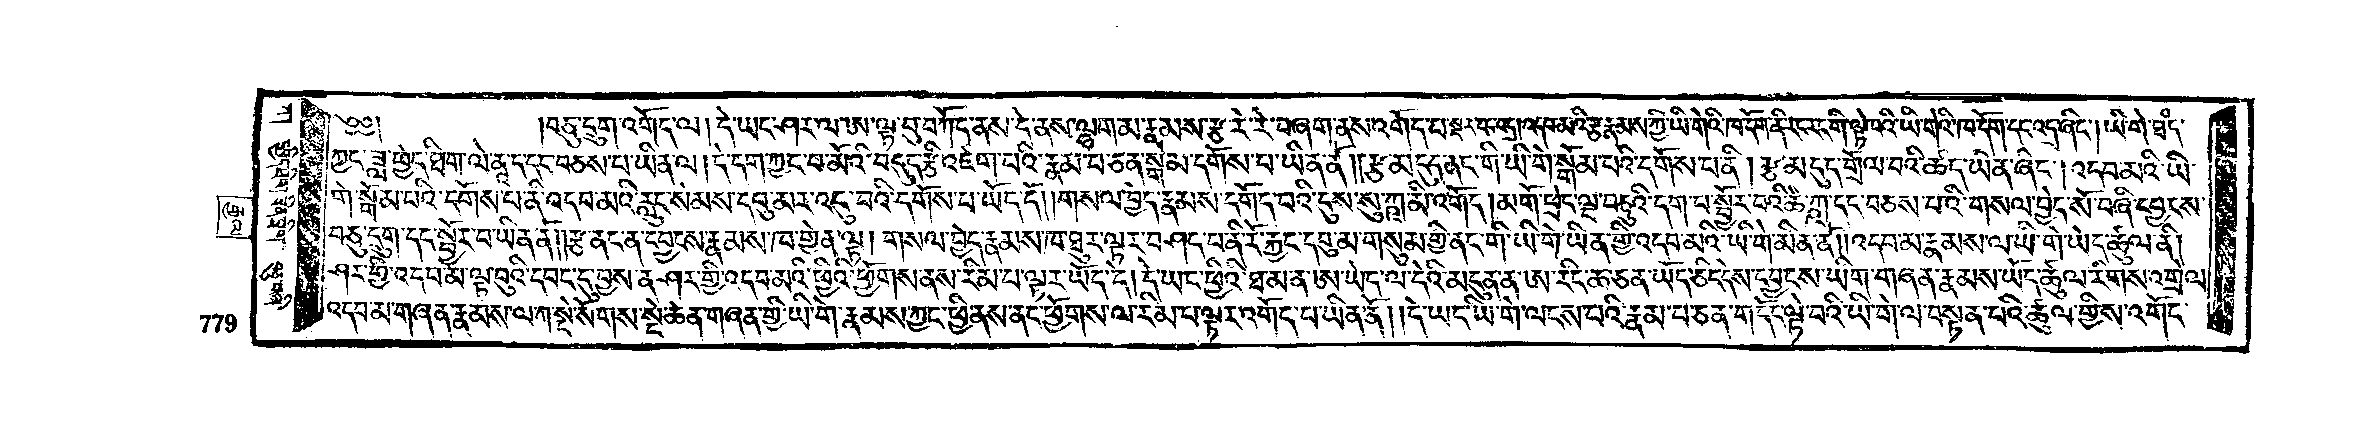༄༅། །བཅུ་དྲུག་འགོད་ལ། དེ་ཡང་ཤར་ལ་ཨ་ལྟ་བུ་བཀོད་ནས་དེ་ནས་ལྷག་མ་རྣམས་རྩ་རེ་རེ་བཞག་ནས་འགོད་པ་སྔར་དང་འདྲ། འདབ་མའི་རྩ་རྣམས་ཀྱི་ཡི་གེའི་ཁ་དོག་ནི་རང་རང་གི་ལྟེ་བའི་ཡི་གེའི་ཁ་དོག་དང་འདྲ་ཞིང་། ཡི་གེ་ཐམས་ཅད་
ཀྱང་ཟླ་ཕྱེད་ཐིག་ལེ་ནཱ་ད་དང་བཅས་པ་ཡིན་ལ། དེ་དག་ཀྱང་བ་མོའི་བདུད་རྩི་འཛག་པའི་རྣམ་པ་ཅན་སྒོམ་དགོས་པ་ཡིན་ནོ། །རྩམ་དུད་ནང་གི་ཡི་གེ་སྒོམ་པའི་དགོས་པ་ནི། རྩ་མདུད་གྲོལ་བའི་ཚད་ཡིན་ཞིང་། འདབ་མའི་ཡི་
གེ་སྒོམ་པའི་དགོས་པ་ནི་འདབ་མའི་རླུང་སེམས་དབུ་མར་འདུ་བའི་དགོས་པ་ཡོད་དོ། །གསལ་བྱེད་རྣམས་དགོད་པའི་དུས་སུ་ཀཥ་མི་འགོད། མགོ་ཕྲེང་ལྔ་བཅུའི་དག་པ་སྦྱོར་བའི་ཚེ་ཀཥ་དང་བཅས་པའི་གསལ་བྱེད་སོ་བཞི་དབྱངས་
བཅུ་དྲུག་དང་སྦྱོར་བ་ཡིན་ནོ། །རྩ་ནང་ན་དབྱངས་རྣམས་ཁ་གྱེན་ལྟ། གསལ་བྱེད་རྣམས་ཁ་ཐུར་ལྟར་བཤད་པ་ནི་རོ་རྐྱང་དབུ་མ་གསུམ་གྱི་ནང་གི་ཡི་གེ་ཡིན་གྱི་འདབ་མའི་ཡི་གེ་མིན་ནོ། །འདབ་མ་རྣམས་ལ་ཡི་གེ་ཡེད་ཚུལ་ནི།
ཤར་གྱི་འདབ་མ་ལྟ་བུའི་དབང་དུ་བྱས་ན་ཤར་གྱི་འདབ་མའི་ཕྱིའི་ཕྱོགས་ནས་རིམ་པ་ལྟར་ཡོད་དེ། དེ་ཡང་ཕྱིའི་ཐ་མ་ན་ཨ་ཡེད་ལ་དེའི་མདུན་ན་ཨ་རིང་ཆ་ཅན་ཡོད་ཅིང་དེས་དབྱངས་ཡིག་གཞན་རྣམས་ཡོད་ཚུལ་རིགས་འགྲེལ་
འདབ་མ་གཞན་རྣམས་ལ་ཀ་སྡེ་སོགས་སྡེ་ཚེན་གཞན་གྱི་ཡི་གེ་རྣམས་ཀྱང་ཕྱི་ནས་ནང་ཕྱོགས་ལ་རིམ་པ་ལྟར་འགོད་པ་ཡིན་ནོ། །དེ་ཡང་ཡི་གེ་ལངས་པའི་རྣམ་པ་ཅན་གདོང་ལྟེ་བའི་ཡི་གེ་ལ་བསྟན་པའི་ཚུལ་གྱིས་འགོད་